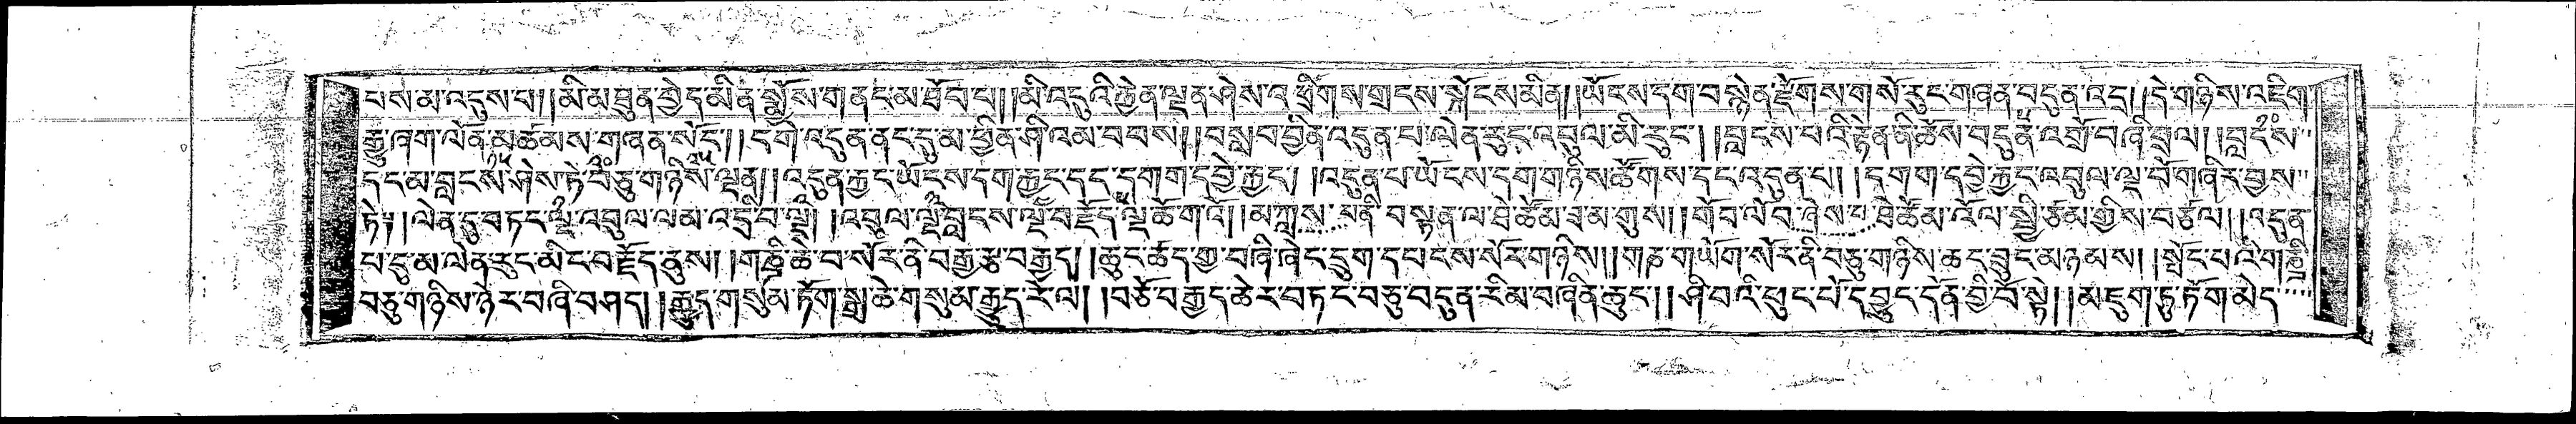པས་མ་འདུས་པ། །མི་མཐུན་བྱེད་མིན་སྨྱོས་གནང་མ་ཐོབ་པ། །མི་འདུའི་རྐྱེན་ལྡན་ཤེས་འཕྲིགས་གྲངས་སྐོངས་མིན། །ཡོངས་དག་བསྙེན་རྫོགས་གསོ་རུང་གཞན་བདུན་འདྲ། །དེ་གཉིས་འཇིག་
རྒྱུ་ཞག་ལོན་མཚམས་གཞན་སོང་། །དགེ་འདུན་ནང་དུ་མ་ཕྱིན་ཤི་འམ་བབས། །བསླབ་བྱིན་འདུན་པ་ལེན་རུང་འབུལ་མི་རུང་། །བླངས་པའི་རྟེན་ནི་ཆོས་བདུན ༥་འགྲོ་བཞི་བྲལ། །བླངས ༡༠
དང་མ་བླངས ༡༥་ཤེས་ཏེ་བཅུ ༢༠་གཉིས ༢༥་ལྡན། །འདུན་རྐྱང་ཡོངས་དག་རྐྱང་དང་དགག་དབྱེ་རྐྱང་། །འདུན་པ་ཡོངས་དག་གཉིས་ཚོགས་དང་འདུན་པ། །དགག་དབྱེ་རྐྱང་འབུལ་ལྔ་བོ་གཞིར་བྱས་
ཏེ༑ །ལེན་དུ་བཏང་ལྔ ༡་འབུལ་ལམ་འདྲི་བ་ལྔ ༢་། །འབུལ་ལྔ ༣་བླངས་ལྔ ༤་བརྗོད་ལྔ ༥་ཆོ་ག་འོ། །མ་ཀླས་པ་ནི་བསྟན་ལ་ཐེ་ཚོམ་ཟ་མ་གུས། །གོབ་ལོབ་ཞེས་པ་ཐེ་ཚོམ་འོལ་སྦྱི་ཙམ་གྱིས་བཙལ། །འདུན་
པ་དུ་མ་ལེན་རུང་མིང་བརྗོད་ནུས། །གཎྜི་ཆེ་བ་སོར་ནི་བརྒྱ་རྩ་བརྒྱད། །ཆུང་ཚད་གྱ་བཞི་ཞེང་དྲུག་དཔངས་སོར་གཉིས། །གཎ་གཡོག་སོར་ནི་བཅུ་གཉིས་ཆད་ཟུང་མཉམས། །སྤོང་པའི་གཎྜི་
བཅུ་གཉིས་ཉེར་བཞི་བཤད། །རྒྱུད་གསུམ་ཏོག་སྒྲ་ཆེ་གསུམ་རྒྱུད་རེ་ལ། །བཅོ་བརྒྱད་ཆེར་བཏང་བཅུ་བདུན་རིམ་བཞིན་ཆུང་། །ཤི་བའི་ཕུང་པོ་དབྱུང་དོན་བྱི་བོ་སྟེ། །མཇུག་ཏུ་ཏོག་མེད་